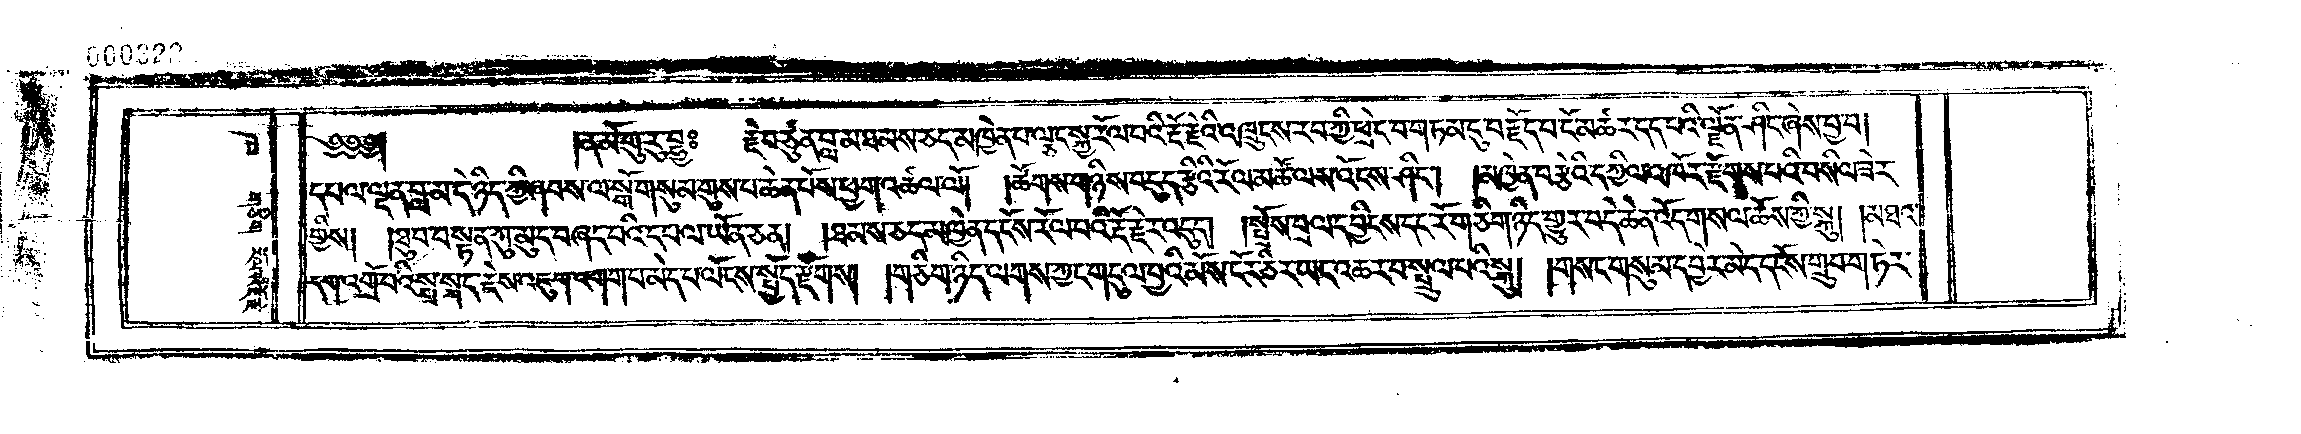༄༅༅། །ན་མོ་གུ་རུ་བྷྱཿ རྗེ་བཙུན་བླ་མ་ཐམས་ཅད་མཁྱེན་པ་ལྕང་སྐྱ་རོལ་པའི་རྡོ་རྗེའི་འཁྲུངས་རབ་ཀྱི་ཕྲེང་བ་གཏམ་དུ་བརྗོད་པ་ངོ་མཚར་དད་པའི་ལྗོན་ཤིང་ཞེས་བྱ་བ།
དཔལ་ལྡན་བླ་མ་དེ་ཉིད་ཀྱི་ཞབས་ལ་སྒོ་གསུམ་གུས་པ་ཆེན་པོས་ཕྱག་འཚལ་ལོ། །ཚོགས་གཉིས་བདུད་རྩིའི་རོལ་མཚོ་ལས་འོངས་ཤིང་། །མཁྱེན་བརྩེའི་དཀྱིལ་འཁོར་རྫོགས་པའི་བསིལ་ཟེར་
གྱིས། །ཐུབ་བསྟན་ཀུ་མུད་བཞད་པའི་དཔལ་ཡོན་ཅན། །ཐམས་ཅད་མཁྱེན་དངོས་རོལ་པའི་རྡོ་རྗེར་འདུད། །སྤྲོས་བྲལ་དབྱིངས་དང་རོ་གཅིག་ཉིད་གྱུར་བདེ་ཆེན་འོད་གསལ་ཆོས་ཀྱི་སྐུ། །མཐའ་
དག་འགྲོ་བའི་སྒྲ་སྐད་རྗེས་འཇུག་འགག་པ་མེད་པ་ལོངས་སྤྱོད་རྫོགས། །གཅིག་ཉིད་ལགས་ཀྱང་གདུལ་བྱའི་མོས་ངོར་ཅིང་ཡང་འཆར་བ་སྤྲུལ་པའི་སྐུ། །གསང་གསུམ་དབྱེར་མེད་དངོས་གྲུབ་གཏེར་